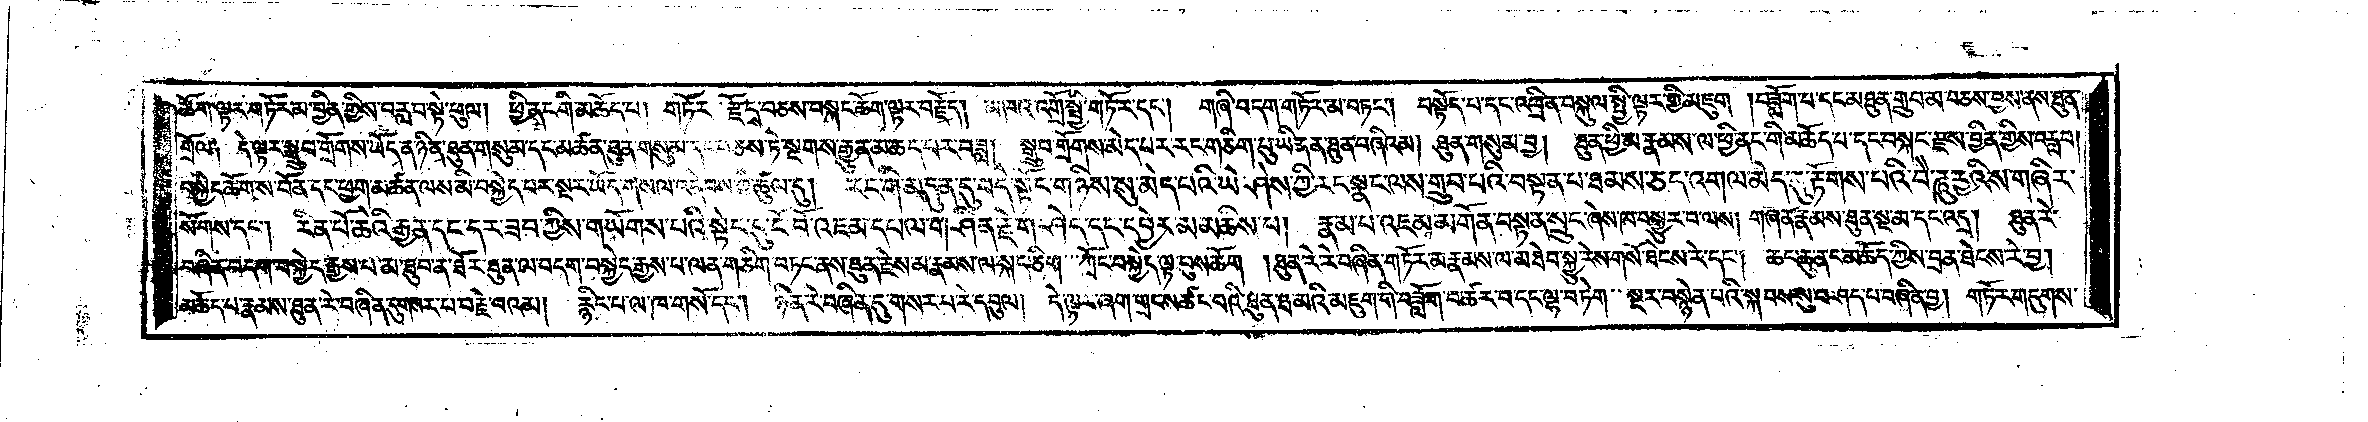ཆོག་ལྟར་གཏོར་མ་བྱིན་གྱིས་བརླབ་སྟེ་ཕུལ། ཕྱི་ནང་གི་མཆོད་པ། གཏོར་རྫོངས་བཅས་བསྐང་ཆོག་ལྟར་བརྗོད། མཁའ་འགྲོ་སྤྱི་གཏོར་དང་། གཞི་བདག་གཏོར་མ་བཏང་། བསྟོད་པ་དང་འཕྲིན་བསྐུལ་སྤྱི་ལྟར་གྱི་མཇུག །བཟློག་པ་དང་མཐུན་གྲུབ་མ་བཅས་བྱས་ནས་ཐུན་
གྲོལ༑ དེ་ལྟར་སྒྲུབ་གྲོགས་ཡོད་ན་ཉིན་ཐུན་གསུམ་དང་མཚན་ཐུན་གསུམ་དང་བཅས་ཏེ་སྔགས་རྒྱུན་མ་ཆད་པར་བཟླ། སྒྲུབ་སྒྲོགས་མེད་པར་རང་གཅིག་པུ་ཡིན་ན་ཐུན་བཞིའམ། ཐུན་གསུམ་བྱ། ཐུན་ཕྱི་མ་རྣམས་ལ་ཕྱི་ནང་གི་མཆོད་པ་དང་བསྐང་རྫས་བྱིན་གྱིས་བརླབ།
བསྐྱེད་ཚོགས་པོན་དང་ཕྱག་མཚན་ལས་མི་བསྐྱེད་བར་སྔར་ཡོད་གསལ་བ་འདེབས་ཀྱི་ཚུལ་དུ། རང་གི་མདུན་དུ་བདེ་སྟོང་གཉིས་སུ་མེད་པའི་ཡེ་ཤེས་ཀྱི་རང་སྣང་ལས་གྲུབ་པའི་བསྟན་པ་ཐམས་ཅད་འགལ་མེད་དུ་རྟོགས་པའི་བཻ་ཌཱུརྱའི་ས་གཞིར་
སོགས་དང་། རིན་པོ་ཆེའི་རྒྱན་དང་དར་ཟབ་ཀྱིས་གཡོགས་པའི་སྟེང་དུ་ངོ་བོ་འཇམ་དཔལ་གཤིན་རྗེ་གཤེད་དང་དབྱེར་མ་མཆིས་པ། རྣམ་པ་འཇམ་མགོན་བསྟན་སྲུང་ཞེས་ཁ་བསྒྱུར་བ་ལས། གཞན་རྣམས་ཐུན་སྔ་མ་དང་འདྲ། ཐུན་རེ་
བཞིན་བདག་བསྐྱེད་རྒྱས་པ་མ་ཐུབ་ན་ཐོར་ཐུན་ལ་བདག་བསྐྱེད་རྒྱས་པ་ལན་གཅིག་བཏང་ནས་ཐུན་རྗེས་མ་རྣམས་ལ་སྐད་ཅིག་ཀྲོང་བསྐྱེད་ལྟ་བུས་ཆོག །ཐུན་རེ་རེ་བཞིན་གཏོར་མ་རྣམས་ལ་མཐེབ་སྐྱུ་རེས་གསོ་ཐེངས་རེ་དང་། ཆང་ཆུ་ནང་མཆོད་ཀྱིས་བྲན་ཐེངས་རེ་བྱ།
མཆོད་པ་རྣམས་ཐུན་རེ་བཞིན་དུ་གསར་བ་བརྗེ་པའམ། རྙིང་པ་ལ་ཁ་གསོ་དང་། ཉིན་རེ་བཞིན་དུ་གསར་བ་རེ་དབུལ། དེ་ལྟར་ཞག་གྲངས་ཚང་བའི་ཐུན་ཐ་མའི་མཇུག་གི་བཟློག་པ་ཚར་བ་དང་ལྷ་བཏེག་སྔར་བསྙེན་པའི་སྐབས་སུ་བཤད་པ་བཞིན་བྱ། གཏོར་གདུགས་